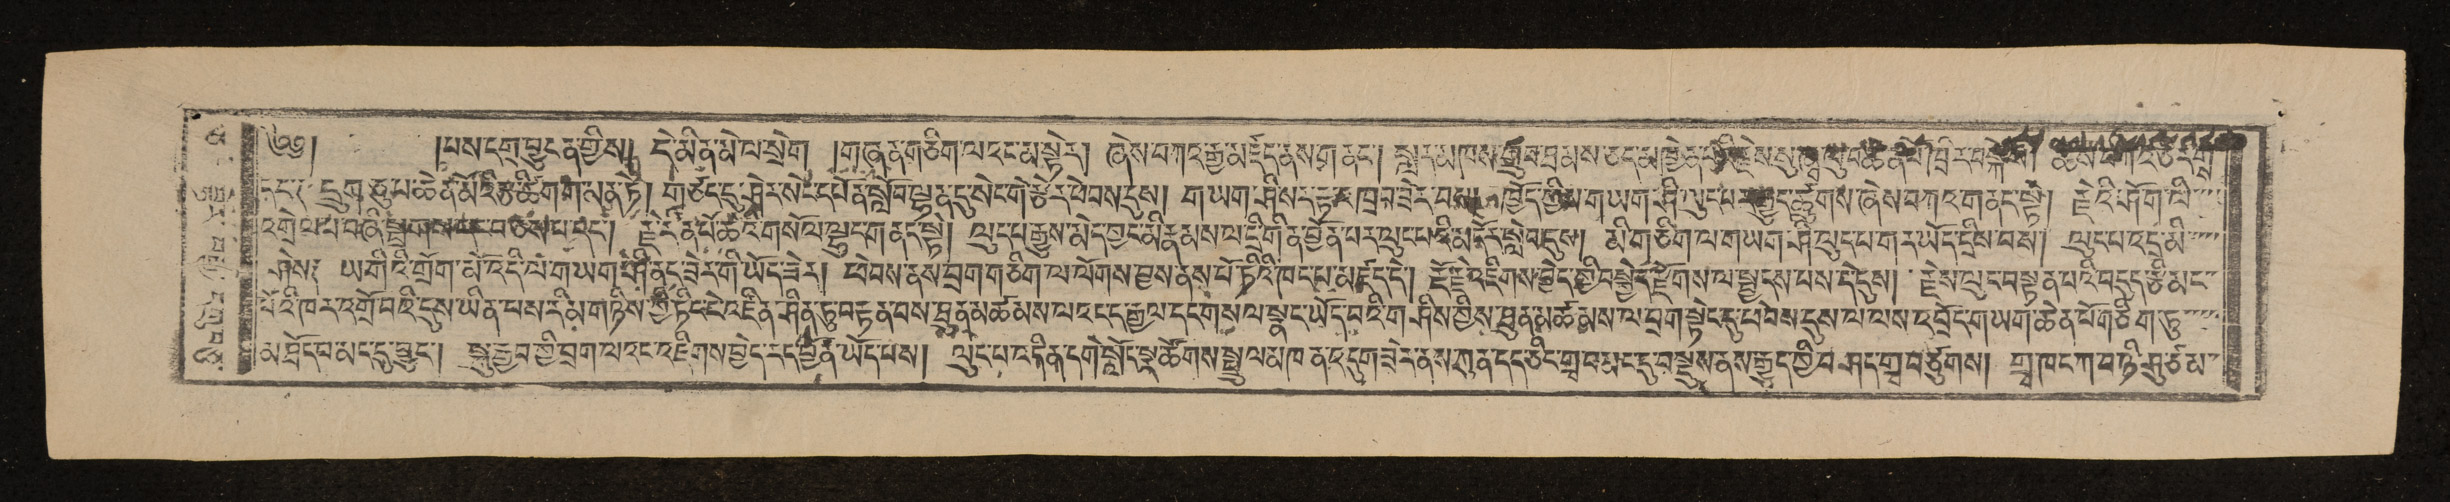༄༅། །བས་དགྲ་བྱུང་ན་གྱིས། དེ་མིན་མེ་ལ་སྲེག །གཞན་གཅིག་ལའང་མ་སྟེར། ཞེས་བཀའ་རྒྱ་མཛད་ནས་གནང་། སླར་མཁས་གྲུབ་ཐམས་ཅད་མཁྱེན་པའི་རྗེས་སུ་ཞྭ་ལུ་བ་ཆེན་པོ་ཁྲིར་བསྐོས། ཆོས་བཀའ་ཅི་རིགས་
དང༑ དྲུག་ཅུ་པ་ཆེན་མོའི་རྩ་ཚིག་གསན་ཏེ། གཙང་དུ་ཤེར་སེང་དཔོན་སློབ་ལྷན་དུ་སེང་གེ་རྩེར་ཕེབས་དུས། གཡག་ཤི་སར་རྟ་འཁྲབ་ཟེར་བས། ཁྱོད་ཀྱིས་གཡག་ཤི་ལུང་པར་རྒྱུད་ཚུགས་ཞེས་བཀའ་གནང་སྟེ། རྗེའི་ཤོ་ག་ལི་
འགྲེལ་བ་བཞི་སྦྲགས་དང་བཅས་པ་དང་། རྗེ་རིན་པོ་ཆེའི་གསོལ་ལྷུང་གནང་སྟེ། ལུང་པ་རྒྱུས་མེད་ཀྱང་མི་རྣམས་ལ་དྲི་གིན་བྱོན་པར་ལུང་པའི་མདོར་སླེབ་དུས། མི་གཅིག་ལ་གཡག་ཤི་ལུང་པ་གར་ཡོད་དྲིས་པས། ལུང་པ་འདྲ་མི་
ཤེས༑ ཡ་གིའི་གྲོག་མོ་འདི་ལ་གཡག་ཤི་ནང་ཟེར་གི་ཡོད་ཟེར། ཕེབས་ནས་བྲག་གཅིག་ལ་ལོགས་བྱས་ནས་པོ་ཏིའི་ཁང་པ་མཛད་དེ། རྡོ་རྗེ་འཇིགས་བྱེད་ཀྱི་བསྐྱེད་རྫོགས་ལ་སྦྱངས་པས་དེ་དུས། རྗེས་ལུང་བསྟན་པའི་བདུད་རྩི་མང་
པོའི་ཁར་འགྲོ་བའི་དུས་ཡིན་པས་རིམ་གཉིས་ཀྱི་ཏིང་ངེ་འཛིན་ཤིན་ཏུ་བརྟན་པས་ཐུན་མཚམས་ལའང་ང་རྒྱལ་དང་གསལ་སྣང་ཡོད་པའི་གཤིས་ཀྱིས་ཐུན་མཚམས་ལ་བྲག་སྟེང་དུ་ཕེབས་དུས་ལ་ལས་འབྲོང་གཡག་ཆེན་པོ་གཅིག་ཏུ་
མཐོང་བ་མང་དུ་བྱུང་། སྐུ་རྒྱབ་ཀྱི་བྲག་ལའང་འཇིགས་བྱེད་རང་བྱོན་ཡོད་པས། ལུང་པ་འདི་ན་དགེ་སློང་སྣ་ཚོགས་སྤྲུལ་མཁན་འདུག་ཟེར་ནས་ཀུན་དད་ཅིང་གྲྭ་བ་མང་དུ་བསྡུས་ནས་རྒྱུད་ཀྱི་བཤད་གྲྭ་བཙུགས། གྲྭ་ཁང་ཀ་བ་ཉི་ཤུ་ཙམ་